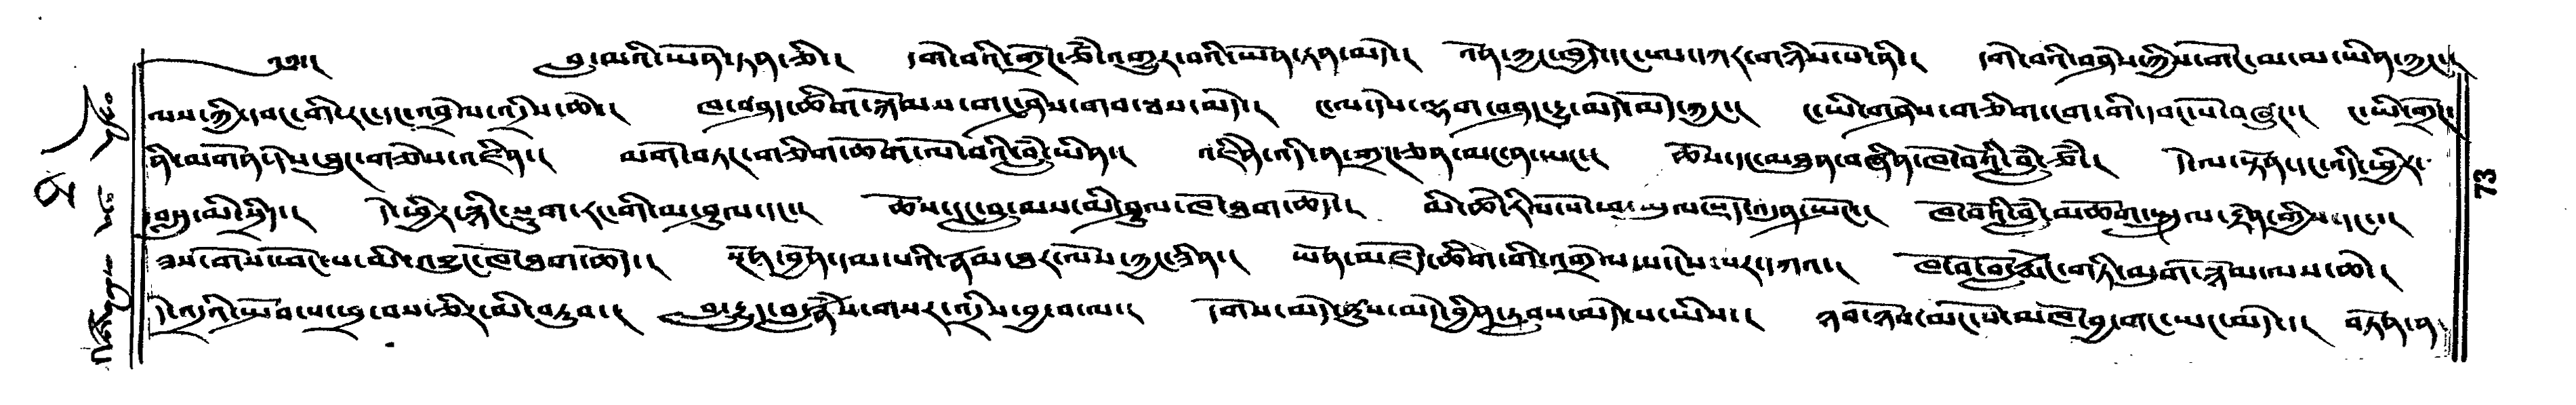བླ་མའི་ཡོན་ཏན་ཅི། །དགེ་བའི་གྲོགས་ཙམ་འགྱུར་བའི་ཡོན་ཏན་མེད། །འོན་ཀྱང་ཁྱེད་དང་ཨ་དཀར་གཉིས་པོ་ནི། །དགེ་བའི་བཤེས་ཀྱིས་གོང་མ་མ་ཡིན་ཀྱང་། །
ལས་ཀྱི་དབང་གི་རང་དང་འབྲེལ་འདྲིས་ཆེ།ཁ་བཤད་ཚིག་སྐམ་གང་ཤེས་གབ་སྦས་མེད། །ང་ལ་དེས་ལྷག་བཤད་རྒྱུ་མེད་མོད་ཀྱང་། །ང་ཡི་བཤེས་ཅིག་ངག་གི་དབང་པོ་བཞུགས། །ང་ཡི་གྲོགས་
ནི་མགོན་དེས་ཐུགས་རྗེས་འཛིན། །མགོ་བཏགས་གཅིག་ཆོག་ལོ་བའི་བླ་མ་ཡིན། །འཇིག་རྟེན་འདི་ན་གྲགས་ཅན་མང་ན་ཡང་། །ཆོས་དང་མཐུན་པ་ཁོ་བོའི་བླ་མ་ཙམ། །དེ་ལ་སྟེན་དང་འདི་ཕྱིར་
བསླུ་མི་སྲིད། །དེ་ཕྱིར་སྙིང་སྡུག་རང་གི་མ་བསླུ་དང་། །ཆོས་དང་བླ་མས་མི་བསླུ་ཁོ་ཐག་ཆོད། །མི་ཚེ་རིལ་པོ་ཕ་ཡུལ་སྡོད་འདུན་སྤོངས། ཁོ་བོའི་བླ་མ་མཆོག་སྤྲུལ་སྟེན་གྱིས་དང་། །
ཟས་གོས་ཕོངས་པ་མི་འབྱུང་ཁོ་ཐག་ཆོད། །སྔོན་བྱོན་དམ་པའི་རྣམ་ཐར་ལོས་ཀྱང་ཟིན། །ཡོན་མཛོད་ཚིག་གི་འགྲེལ་པ་ངེས་པར་དཀའ། །ཁོ་བོ་བློ་རྨོངས་གཏི་མུག་སྙོམ་ལས་ཆེ། །
དེ་འདྲའི་སྤོབས་པ་ཕྲ་བས་ཅིར་མི་བཏུབ། །བླ་རྒྱུད་བླ་རྣམ་གསར་འབྲི་བྱ་བ་ལ། །དགོས་མེད་ནུས་མེད་བྱིན་རླབས་མེད་པ་ཡི། །ཉབ་ཉོབ་མང་པོ་མཁོ་བྱ་གང་ཡང་མེད། འདོན་ན་